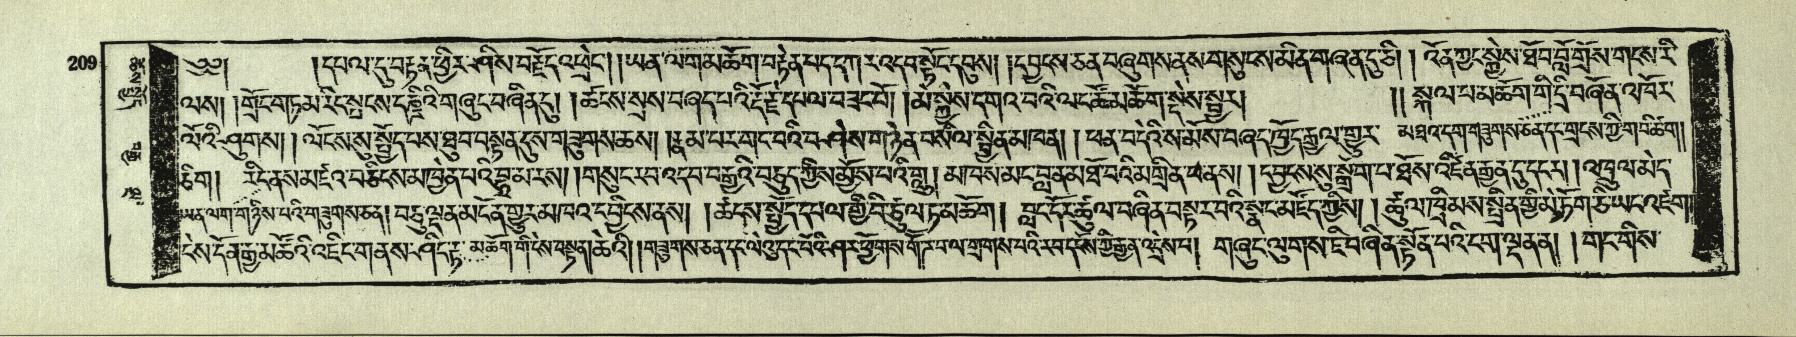༄༅། །དཔལ་དུ་བརྟན་ཕྱིར་ཤིས་བརྗོད་འཕྲེང་། །ཡན་ལག་མཆོག་བརྟེན་པད་དཀར་འདབ་སྟོང་དབུས། །དབྱངས་ཅན་བཞུགས་ནས་གསུངས་མིན་གཞན་དུ་ཅི། །འོན་ཀྱང་སྐྱེས་ཐོབ་བློ་གྲོས་གངས་རི་
ལས། །གྲོང་གཏམ་རིང་སྤངས་དཎྜིའི་གཞུང་བཞིན་དུ། །ཚངས་སྲས་བཞད་པའི་རྡོ་རྗེ་དཔལ་བཟང་པོ། །མེ་སྐྱེས་དགའ་བའི་ལང་ཚོ་མཆོག་སྡེས་སྦྱར། །།སྐལ་པ་མཆོག་གི་དྲི་བཞོན་འཁོར་
ལོའི་ཤུགས། །ལོངས་སུ་སྤྱོད་པས་ཐུབ་བསྟན་དུས་གཟུགས་ཆས། །རྣམ་པར་གང་བའི་བཤེས་གཉེན་བསིལ་སྦྱིན་མཁན། །ཕན་བདེའི་ས་མོས་བཞད་ཁྱོད་རྒྱལ་གྱུར་མཐའ་དག་གཟུགས་ཅན་དང་གྲངས་ཀྱི་གབ་ཚིག།
ཅིག། རིང་ནས་མཛའ་བཅིངས་མཁྱེན་པའི་བྷྲ་མ་རས། །གསུང་རབ་འདབ་བརྒྱའི་བཅུད་ཀྱིས་མྱོས་པའི་གླུ་།མཁས་མང་བླ་ན་མཐོ་བའི་མགྲིན་ཕ་ནས། །དབྱངས་སུ་སྒྲོག་པ་ཐོས་འཛིན་རྒྱན་དུ་དངར། །འཁྲུལ་མེད་
ཡན་ལག་གཉིས་པའི་གཟུགས་ཅན་།བཅུ་ལྡན་མངོན་གྱུར་མཁའ་དབྱིངས་ནས། །ཚངས་སྤྱོད་དཔལ་གྱི་བི་ཙུལ་ཏ་མཆོག། བླང་དོར་ཚུལ་བཞིན་བསྟར་བའི་སྣང་མཛོད་ཀྱིས། །ཚུལ་ཁྲིམས་སྤྲིན་གྱི་མེ་ཏོག་ཅི་ཡང་འཛག།
ངེས་དོན་རྒྱ་མཚོའི་འཇིང་གནས་ཤིང་རྟ་མཆོག་གི་ངེས་བསྟན། ཆེའི། །གཟུགས་ཅན་དང་ལེའུ་དང་པོའི་ཤར་ཕྱོགས་གཽ་ཌ་པ་ལ་གྲགས་པའི་རབ་དངོས་ཀྱི་རྒྱན་འདྲེས་པ། གཞུང་ལུགས་ཇི་བཞིན་སྟོན་པའི་ངག་ལྡན་ན། །གང་གིས་